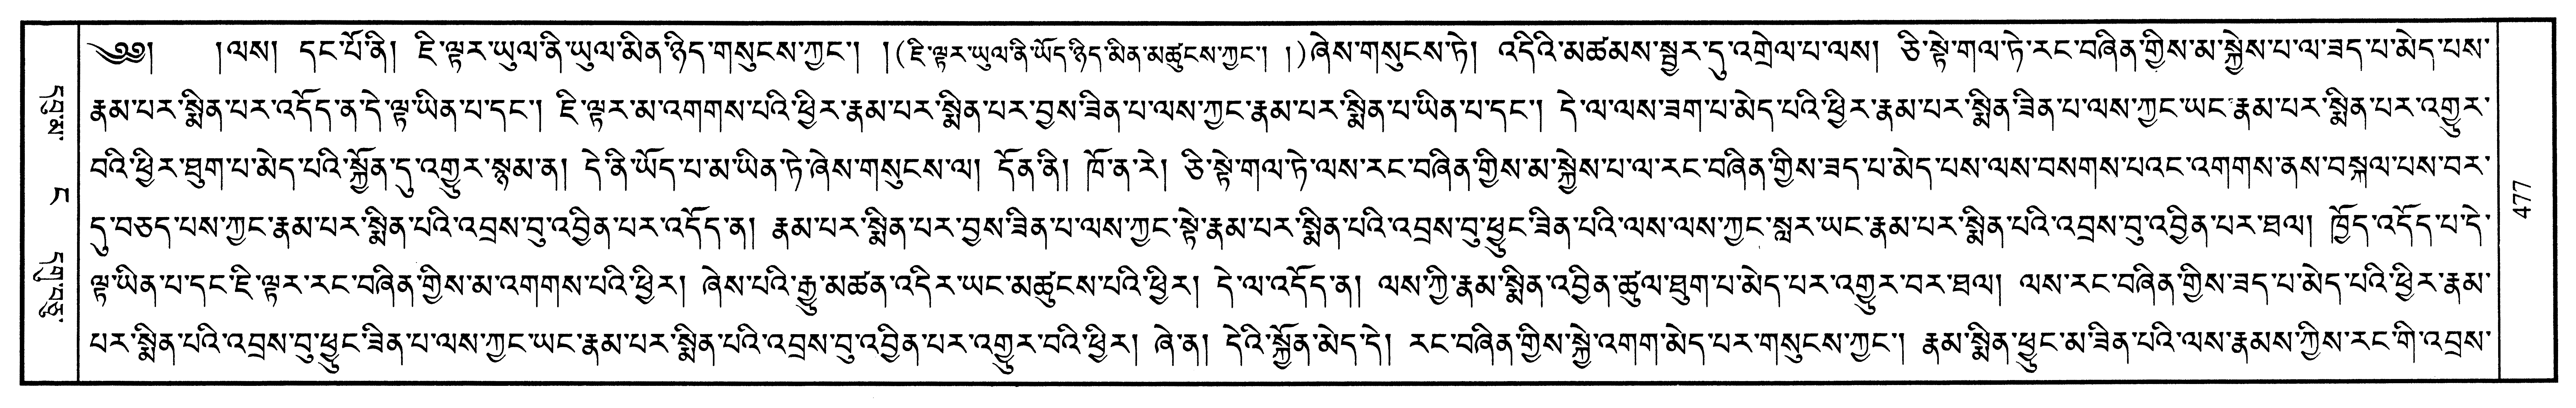༄༅། །ལས། དང་པོ་ནི། ཇི་ལྟར་ཡུལ་ནི་ཡུལ་མིན་ཉིད་གསུངས་ཀྱང་། ། ཇི་ལྟར་ཡུལ་ནི་ཡོད་ཉིད་མིན་མཚུངས་ཀྱང་། །  ཞེས་གསུངས་ཏེ། འདིའི་མཚམས་སྦྱར་དུ་འགྲེལ་པ་ལས། ཅི་སྟེ་གལ་ཏེ་རང་བཞིན་གྱིས་མ་སྐྱེས་པ་ལ་ཟད་པ་མེད་པས་
རྣམ་པར་སྨིན་པར་འདོད་ན་དེ་ལྟ་ཡིན་པ་དང་། ཇི་ལྟར་མ་འགགས་པའི་ཕྱིར་རྣམ་པར་སྨིན་པར་བྱས་ཟིན་པ་ལས་ཀྱང་རྣམ་པར་སྨིན་པ་ཡིན་པ་དང་། དེ་ལ་ལས་ཟག་པ་མེད་པའི་ཕྱིར་རྣམ་པར་སྨིན་ཟིན་པ་ལས་ཀྱང་ཡང་རྣམ་པར་སྨིན་པར་འགྱུར་
བའི་ཕྱིར་ཐུག་པ་མེད་པའི་སྐྱོན་དུ་འགྱུར་སྙམ་ན། དེ་ནི་ཡོད་པ་མ་ཡིན་ཏེ་ཞེས་གསུངས་ལ། དོན་ནི། ཁོ་ན་རེ། ཅི་སྟེ་གལ་ཏེ་ལས་རང་བཞིན་གྱིས་མ་སྐྱེས་པ་ལ་རང་བཞིན་གྱིས་ཟད་པ་མེད་པས་ལས་བསགས་པའང་འགགས་ནས་བསྐལ་པས་བར་
དུ་བཅད་པས་ཀྱང་རྣམ་པར་སྨིན་པའི་འབྲས་བུ་འབྱིན་པར་འདོད་ན། རྣམ་པར་སྨིན་པར་བྱས་ཟིན་པ་ལས་ཀྱང་སྟེ་རྣམ་པར་སྨིན་པའི་འབྲས་བུ་ཕྱུང་ཟིན་པའི་ལས་ལས་ཀྱང་སླར་ཡང་རྣམ་པར་སྨིན་པའི་འབྲས་བུ་འབྱིན་པར་ཐལ། ཁྱོད་འདོད་པ་དེ་
ལྟ་ཡིན་པ་དང་ཇི་ལྟར་རང་བཞིན་གྱིས་མ་འགགས་པའི་ཕྱིར། ཞེས་པའི་རྒྱུ་མཚན་འདིར་ཡང་མཚུངས་པའི་ཕྱིར། དེ་ལ་འདོད་ན། ལས་ཀྱི་རྣམ་སྨིན་འབྱིན་ཚུལ་ཐུག་པ་མེད་པར་འགྱུར་བར་ཐལ། ལས་རང་བཞིན་གྱིས་ཟད་པ་མེད་པའི་ཕྱིར་རྣམ་
པར་སྨིན་པའི་འབྲས་བུ་ཕྱུང་ཟིན་པ་ལས་ཀྱང་ཡང་རྣམ་པར་སྨིན་པའི་འབྲས་བུ་འབྱིན་པར་འགྱུར་བའི་ཕྱིར། ཞེ་ན། དེའི་སྐྱོན་མེད་དེ། རང་བཞིན་གྱིས་སྐྱེ་འགག་མེད་པར་གསུངས་ཀྱང་། རྣམ་སྨིན་ཕྱུང་མ་ཟིན་པའི་ལས་རྣམས་ཀྱིས་རང་གི་འབྲས་